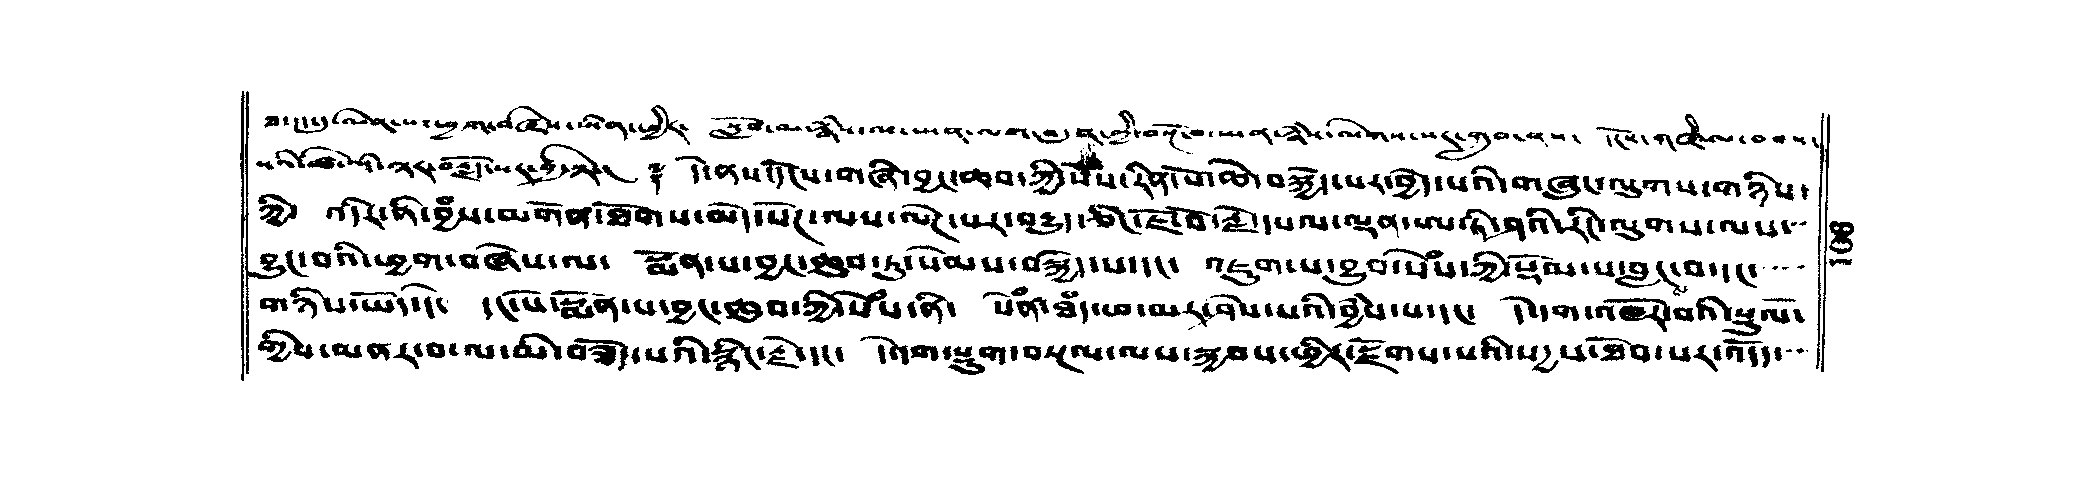ཐ་དད་དུ་ལེན་པ་ཕྱག་བཞེས་ཡིན་ཕྱིར། སློབ་མ་རྣམས་ལ་ཡན་ལག་བདུན་གྱི་བསྔོ་བ་ཡིན་རྣམས་ལེགས་པར་གྲུབ་ནས། དངོས་གཞི་ལ་བབས་
པའི་ཚེ་འདི་ལྟར་བརྗོད་པར་བྱ་སྟེ། ༈ དེ་ནས་དངོས་གཞི་བྱང་ཆུབ་ཀྱི་སེམས་རིན་པོ་ཆེ་བསྐྱེད་པར་བྱེད་པའི་གཞུང་ལུགས་གཉིས་
ཀྱི། འདིར་ནི་བྱམས་མགོན་ཐོགས་མེད་སོགས་ལས་ལེགས་པར་བརྒྱུད་ཅིང་ཇོ་བོ་རྗེ་དཔལ་ལྡན་ཨ་ཏི་ཤའི་རིང་ལུགས་ལས་
བྱུང་བའི་ཕྱག་བཞེས་ལ། སྨོན་པ་བྱང་ཆུབ་ཏུ་སེམས་བསྐྱེད་པ་དང་། འཇུག་པ་བྱང་ཆུབ་སེམས་ཀྱི་སྡོམ་པ་བླངས་བ་དང་
གཉིས་ཡོད་དེ། དང་པོ་སྨོན་པ་བྱང་ཆུབ་ཀྱི་སེམས་ནི། སེམས་ཅན་ཐམས་ཅད་ཕ་མར་ཤེས་པའི་བྱམས་པ་དང་། དེ་དག་འཁོར་བའི་སྡུག་བསྔལ་
གྱིས་མནར་བ་ལ་མི་བཟོད་པའི་སྙིང་རྗེ་དང་།དེ་དག་སྡུག་བསྔལ་ལས་སྐྱབས་ཕྱིར་རྫོགས་པའི་སངས་རྒྱས་ཐོབ་པར་འདོད་